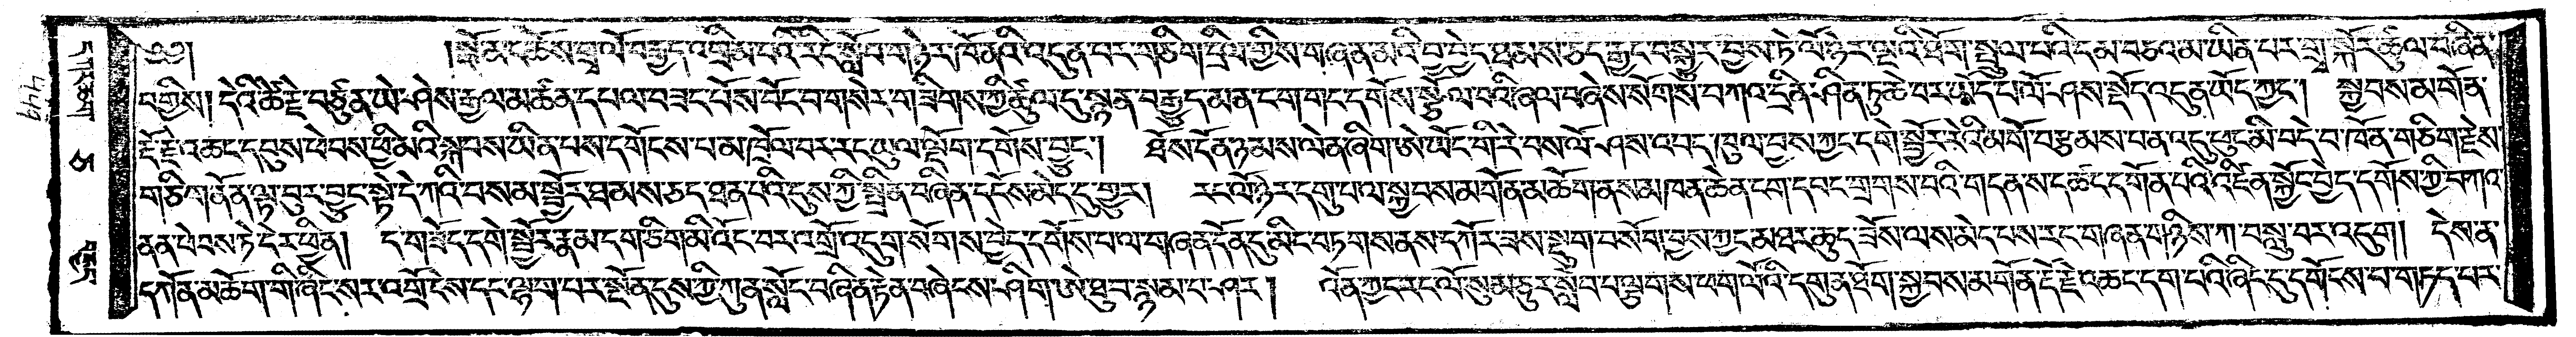༄༅། །སྒོ་མང་ཆོས་གྲྭ་ལོ་བརྒྱད་འགྲིམ་པའི་རིང་སློབ་གཉེར་ཁོ་ནའི་འདུན་པར་གཅིག་དྲིལ་གྱིས་གཞན་མའི་བྱ་བྱེད་ཐམས་ཅད་རྒྱད་བསྐྱར་བྱས་ཏེ་ལོ་ཉེར་ལྔའི་ཐོག་སྦྲུལ་བའི་དམ་བཅའ་མ་ཡིན་པར་གྲྭ་སྐོར་ཚུལ་བཞིན་
བགྱིས། དེའི་ཚེ་རྗེ་བཙུན་ཡེ་ཤེས་རྒྱལ་མཚན་དཔལ་བཟང་པོས་བོང་བ་གསེར་གཟིགས་ཀྱི་ཚུལ་དུ་སྙན་བརྒྱུད་མན་ངག་གང་དགོས་སྩོལ་བའི་ཞལ་བཞེས་སོགས་བཀའ་དྲིན་ཤིན་ཏུ་ཆེ་བར་ཡོད་པ་ལོ་ཤས་སྡོད་འདུན་ཡོད་ཀྱང་། སྐྱབས་མགོན་
རྡོ་རྗེ་འཆང་དབུས་ཕེབས་ཕྱི་མའི་སྐབས་ཡིན་པས་དགོངས་པ་མ་ཁྲོལ་བར་རང་ཡུལ་ལྡོག་དགོས་བྱུང་། ཐོས་དོན་ཉམས་ལེན་ཞིག་ཨེ་ཡོང་གི་རེ་བས་ལོ་ཤས་འབད་ཁུལ་བྱས་ཀྱང་དགེ་སྦྱོར་རེའི་མགོ་བརྩམས་པན་འདུ་ཕུང་མི་བདེ་བ་ཁོ་ན་གཅིག་རྗེས་
གཅིག་ནོན་ལྟ་བུར་བྱུང་སྟེ་དེ་ཀའི་བསམ་སྦྱོར་ཐམས་ཅད་ཐན་པའི་དུས་ཀྱི་སྤྲིན་བཞིན་དངོས་མེད་དུ་གྱུར། རང་ལོ་ཉེར་དགུ་པ་ལ་སྐྱབས་མགོན་མཆོག་ནས་མཁན་ཆེན་ངག་དབང་གྲགས་པའི་གདན་ས་ད་ཚད་དགོན་པའི་འཛིན་སྐྱོང་བྱེད་དགོས་ཀྱི་བཀའ་
ནན་ཕེབས་ཏེ་དེར་ཕྱིན། ད་གཟོད་དགེ་སྦྱོར་རྣམ་དག་ཅིག་མི་འོང་བར་འགྲོ་འདུག་སོགས་བྱེད་དགོས་པ་ལ་གཞན་དོན་དུ་མིང་བཏགས་ནས་དཀོར་ཟས་སྡུག་བསོག་བྱས་ཀྱང་མཐར་ཆུད་ཟོས་ལས་མེད་པས་རང་གཞན་གཉིས་ཀ་བསླུ་བར་འདུག། དེས་ན་
དཀོན་མཆོག་གི་ཞིང་སར་འགྲོ་ངེས་དང་ལྷག་པར་སྔོན་དུས་ཀྱི་ཀུན་སློང་བཞིན་རྟེན་བཞེངས་ཤིག་ཨེ་ཐུབ་སྙམ་པ་ཤར། འོན་ཀྱང་རང་ལོ་སུམ་ཅུར་སླེབ་པ་ལྕགས་ཕག་ལོའི་དགུན་ཐོག་སྐྱབས་མགོན་རྡོ་རྗེ་འཆང་དག་པའི་ཞིང་དུ་དགོངས་པ་གཏད་པར་